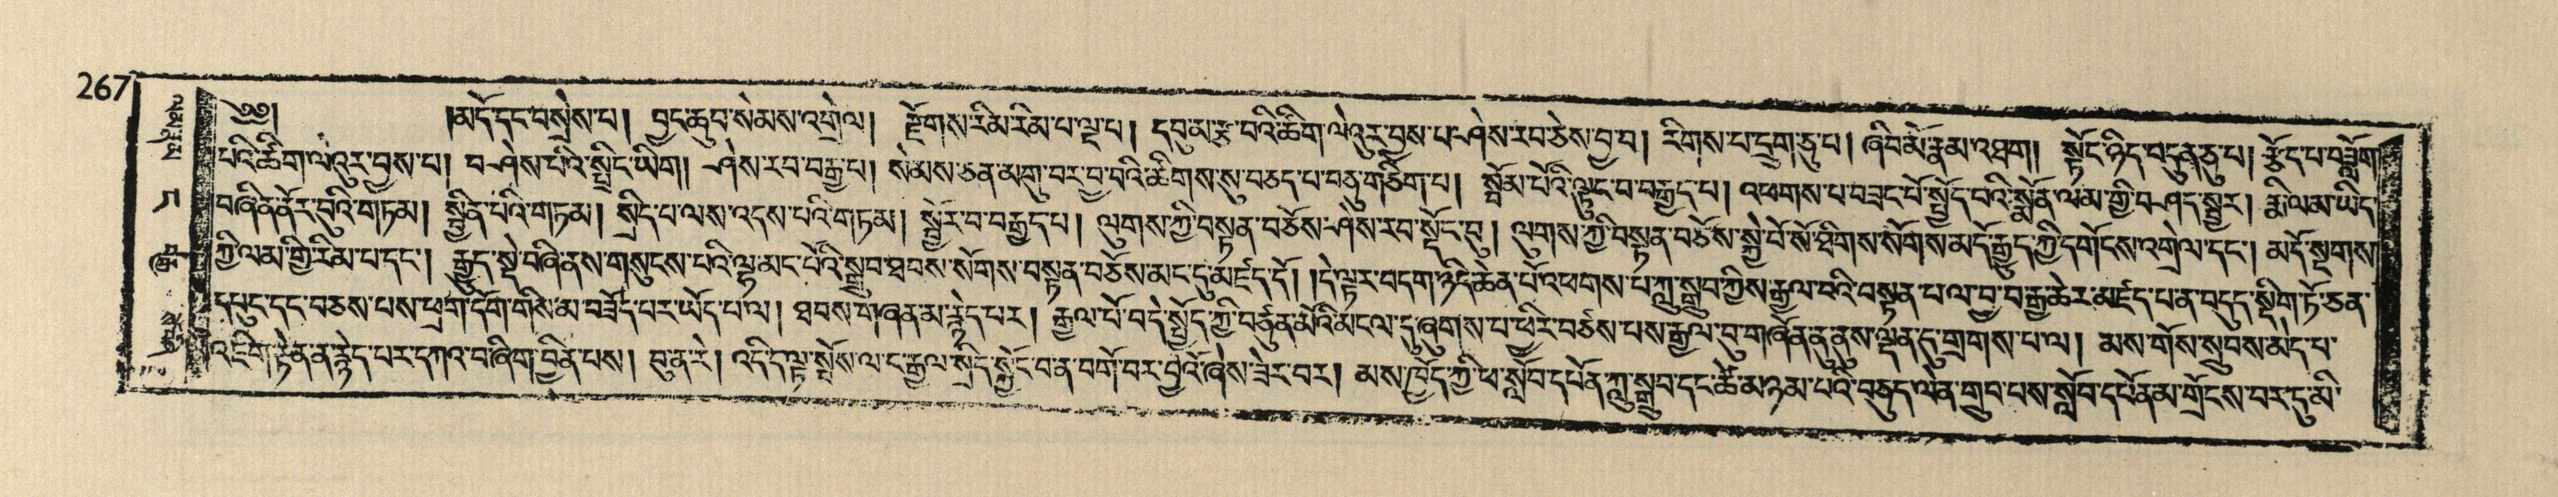༄༅། །མདོ་དང་བསྲེས་པ། བྱང་ཆུབ་སེམས་འགྲེལ། རྫོགས་རིམ་རིམ་པ་ལྔ་པ། དབུ་མ་རྩ་བའི་ཚིག་ལེའུར་བྱས་པ་ཤེས་རབ་ཅེས་བྱ་བ། རིགས་པ་དྲུག་ཅུ་པ། ཞིབ་མོ་རྣམ་འཐག། སྟོང་ཉིད་བདུན་ཅུ་པ། རྩོད་པ་བཟློག་
པའི་ཚིག་ལེའུར་བྱས་པ། བཤེས་པའི་སྤྲིང་ཡིག། ཤེས་རབ་བརྒྱ་པ། སེམས་ཅན་མགུ་བར་བྱ་བའི་ཚིགས་སུ་བཅད་པ་བཅུ་གཅིག་པ། སྦོམ་པོའི་ལྟུང་བ་བརྒྱད་པ། འཕགས་པ་བཟང་པོ་སྤྱོད་པའི་སྨོན་ལམ་གྱི་བཤད་སྦྱར། རྨི་ལམ་ཡིད་
བཞིན་ནོར་བུའི་གཏམ། སྦྱིན་པའི་གཏམ། སྲིད་པ་ལས་འདས་པའི་གཏམ། སྦྱོར་བ་བརྒྱད་པ། ལུགས་ཀྱི་བསྟན་བཅོས་ཤེས་རབ་སྡོང་བུ། ལུགས་ཀྱི་བསྟན་བཅོས་སྐྱེ་བོ་སོ་ཐིགས་སོགས་མདོ་རྒྱུད་ཀྱི་དགོངས་འགྲེལ་དང་། མདོ་སྔགས་
ཀྱི་ལམ་གྱི་རིམ་པ་དང་། རྒྱུད་སྡེ་བཞི་ནས་གསུངས་པའི་ལྷ་མང་པོའི་སྒྲུབ་ཐབས་སོགས་བསྟན་བཅོས་མང་དུ་མཛད་དོ། །དེ་ལྟར་བདག་ཉིད་ཆེན་པོ་འཕགས་པ་ཀླུ་སྒྲུབ་ཀྱིས་རྒྱལ་བའི་བསྟན་པ་ལ་བྱ་བ་རྒྱ་ཆེར་མཛད་པ་ན་བདུད་སྡིག་ཏོ་ཅན་
དཔུང་དང་བཅས་པས་ཕྲག་དོག་གིས་མ་བཟོད་པར་ཡོད་པ་ལ། ཐབས་གཞན་མ་རྙེད་པར། རྒྱལ་པོ་བདེ་སྤྱོད་ཀྱི་བཙུན་མོའི་མངལ་དུ་ཞུགས་པ་ཕྱིར་བཙས་པས་རྒྱལ་བུ་གཞོན་ནུ་ནུས་ལྡན་དུ་གྲགས་པ་ལ། མས་གོས་སྲུབས་མེད་པ་
འཇིག་རྟེན་ན་རྙེད་པར་དཀའ་བ་ཞིག་བྱིན་པས། བུ་ན་རེ། འདི་ད་ལྟ་སྤོས་ལ་ང་རྒྱལ་སྲིད་སྐྱོང་བ་ན་བགོ་བར་བྱའོ་ཞེས་ཟེར་བར། མས་ཁྱོད་ཀྱི་ཕ་སློབ་དཔོན་ཀླུ་སྒྲུབ་དང་ཚེ་མཉམ་པའི་བཅུད་ལེན་གྲུབ་པས་སློབ་དཔོན་མ་གྲོངས་བར་དུ་མི་